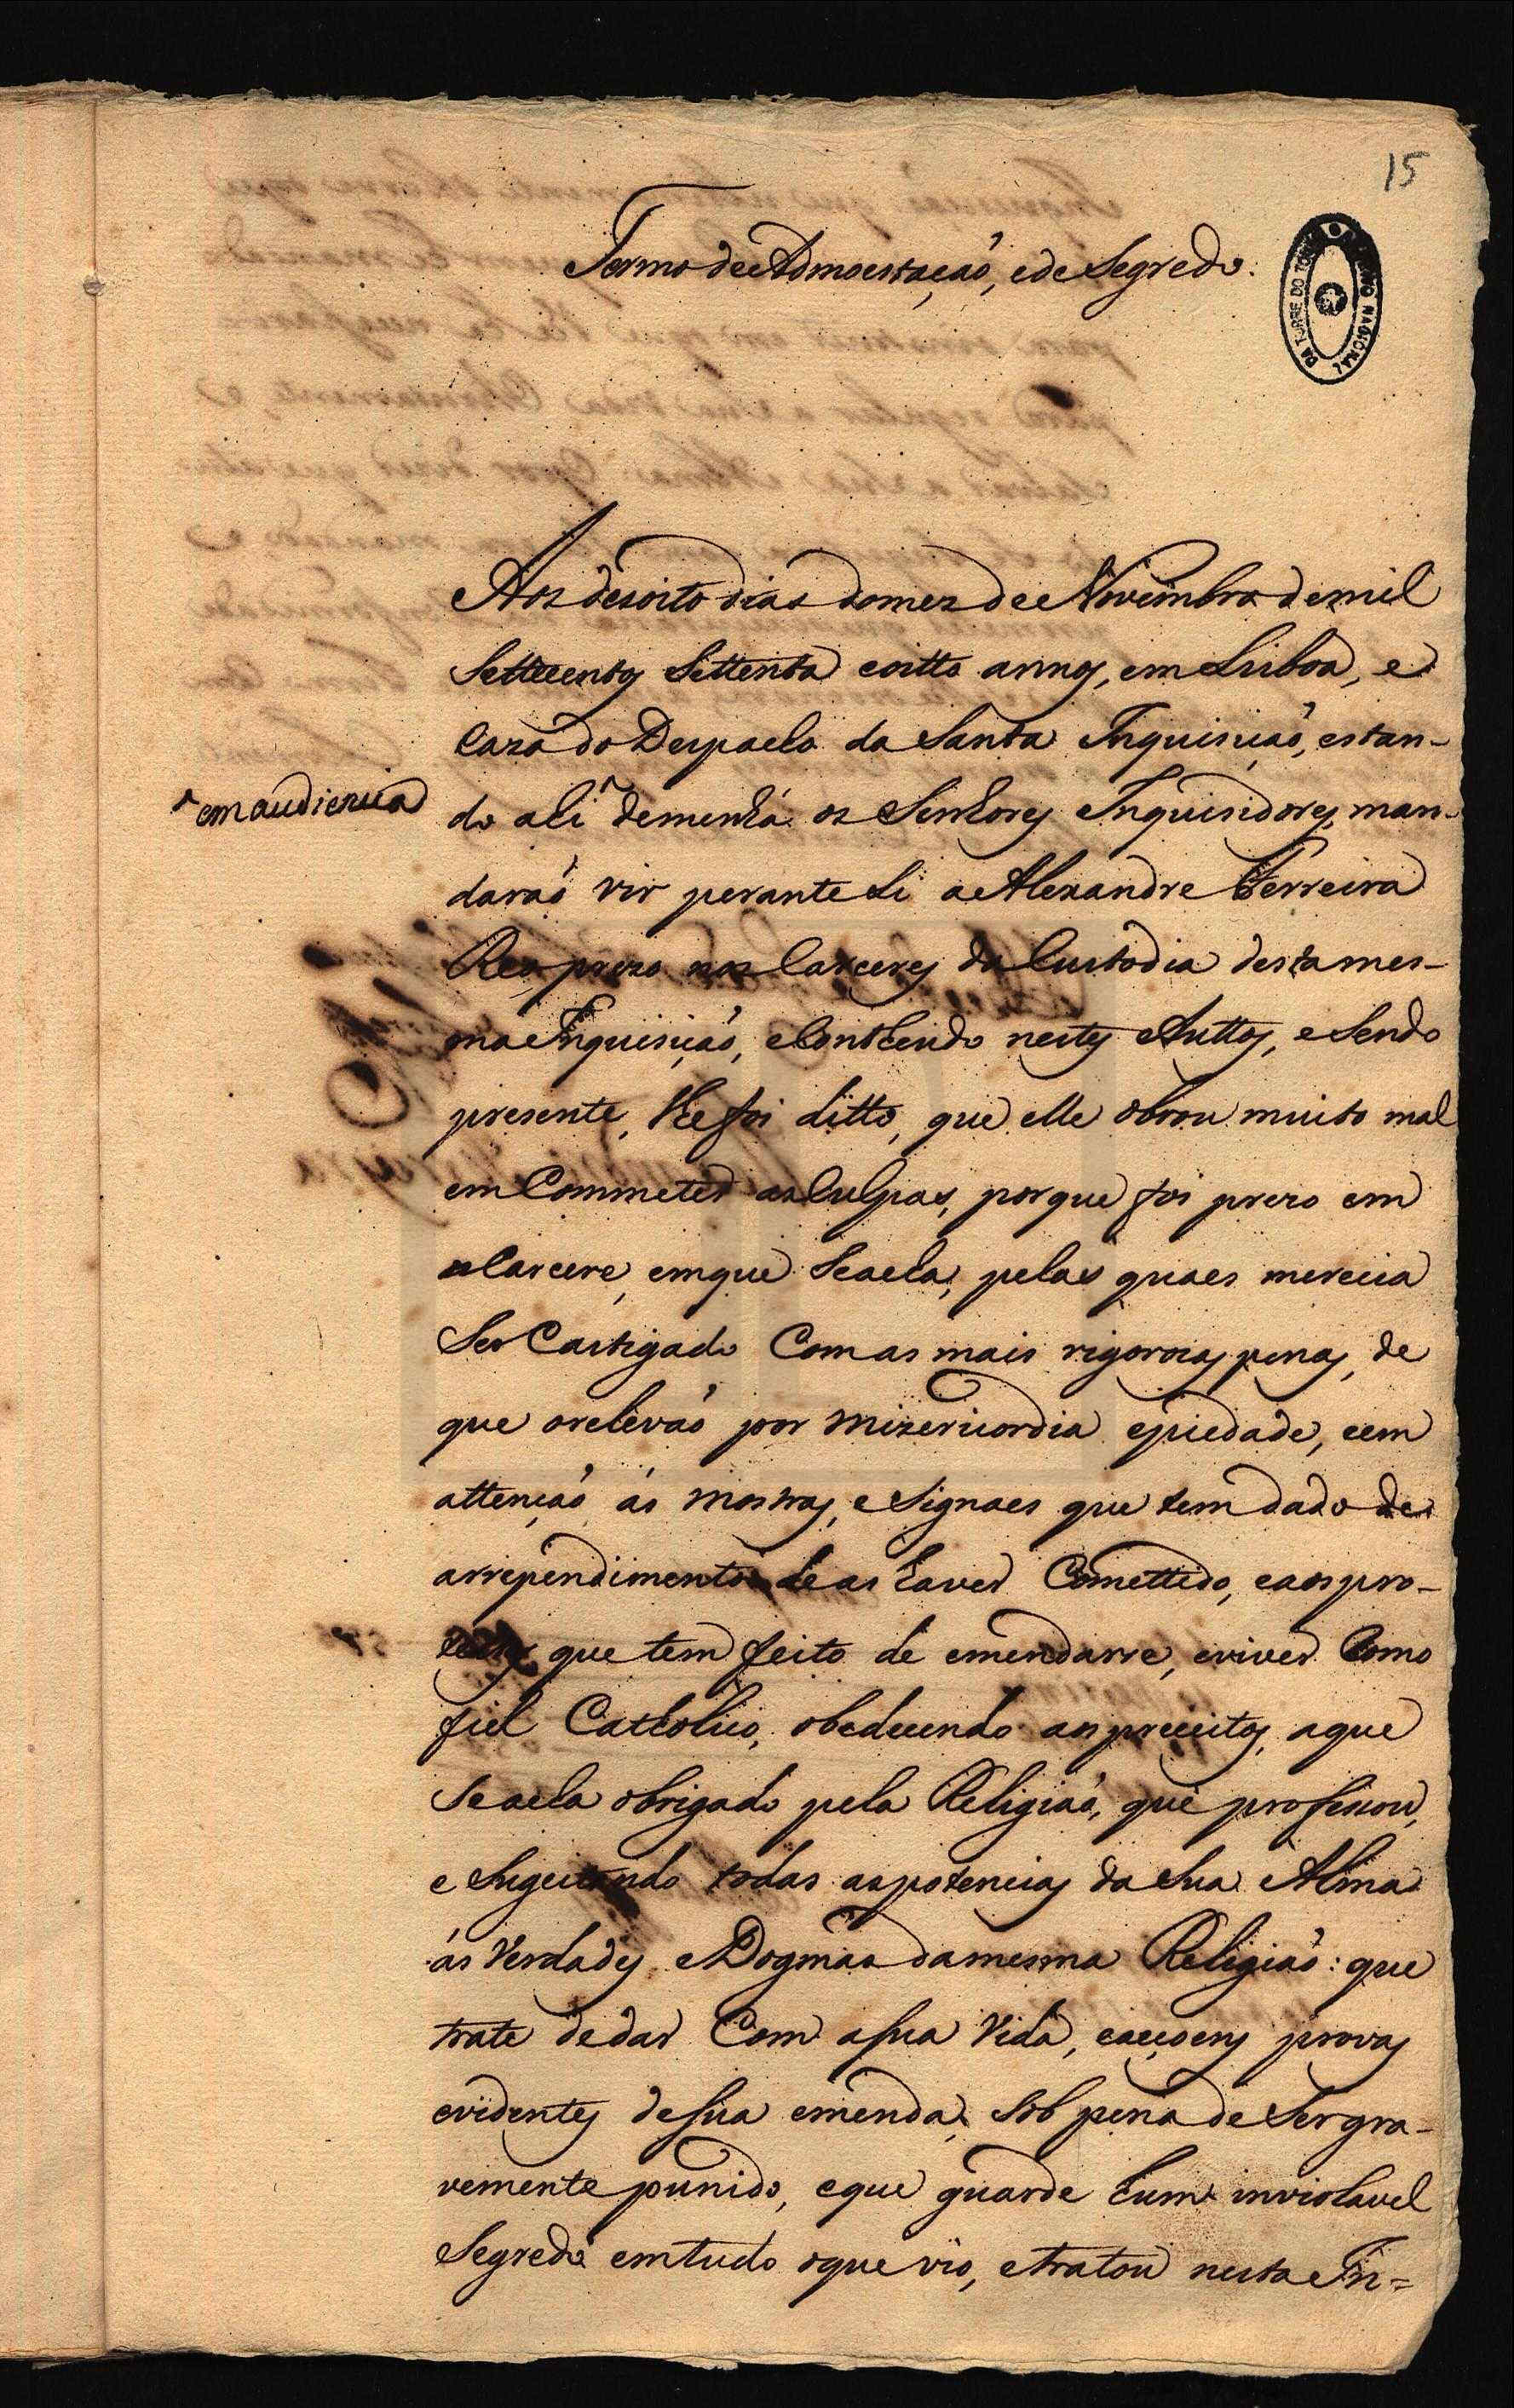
Forma de Admoestaçaõ, e de Segredo.
Aos desoito dias do mez de Novembro de mil
Settecentos Settenta e oitto annos, em Lisboa, e
caza do Despacho da Santa Inquisiçaõ, estan
em audiencia
do ahi de menhã os Senhores Inquisidores, man
daraõ vir perante Si a Alexandre Ferreira
Reo, prezo nos Carceres da Custodia desta mes
ma Inquisiçaõ, e Contheudo nestes Auttos, e Sendo
presente, lhe foi ditto, que elle obrou muito mal
em Commeter as Culpas, porque foi prezo em
o carcere em que Se acha, pelas quaes merecia
Ser Castigado Com as mais rigorozas penas, de
que o relevaõ por mizericordia e piedade, e em
attençaõ ás mostras, e Signaes que tem dado de
arrependimento de as haver Comettido, e aos pro
te_s que tem feito de emendarse, e viver Como
fiel Catholico, obedecendo aos preceitos, a que
se acha obrigado pela Religiaõ, que professou,
e Sugeitando todas as potencias da Sua Alma
ás verdades, e Dogmas da mesma Religiaõ: que
trate de dar Com a sua Vida, e acçoens provas
evidentes de sua emenda, sob pena de Ser gra
vemente punido, e que guarde hum inviolavel
Segredo em tudo o que vio, e tratou nesta In
